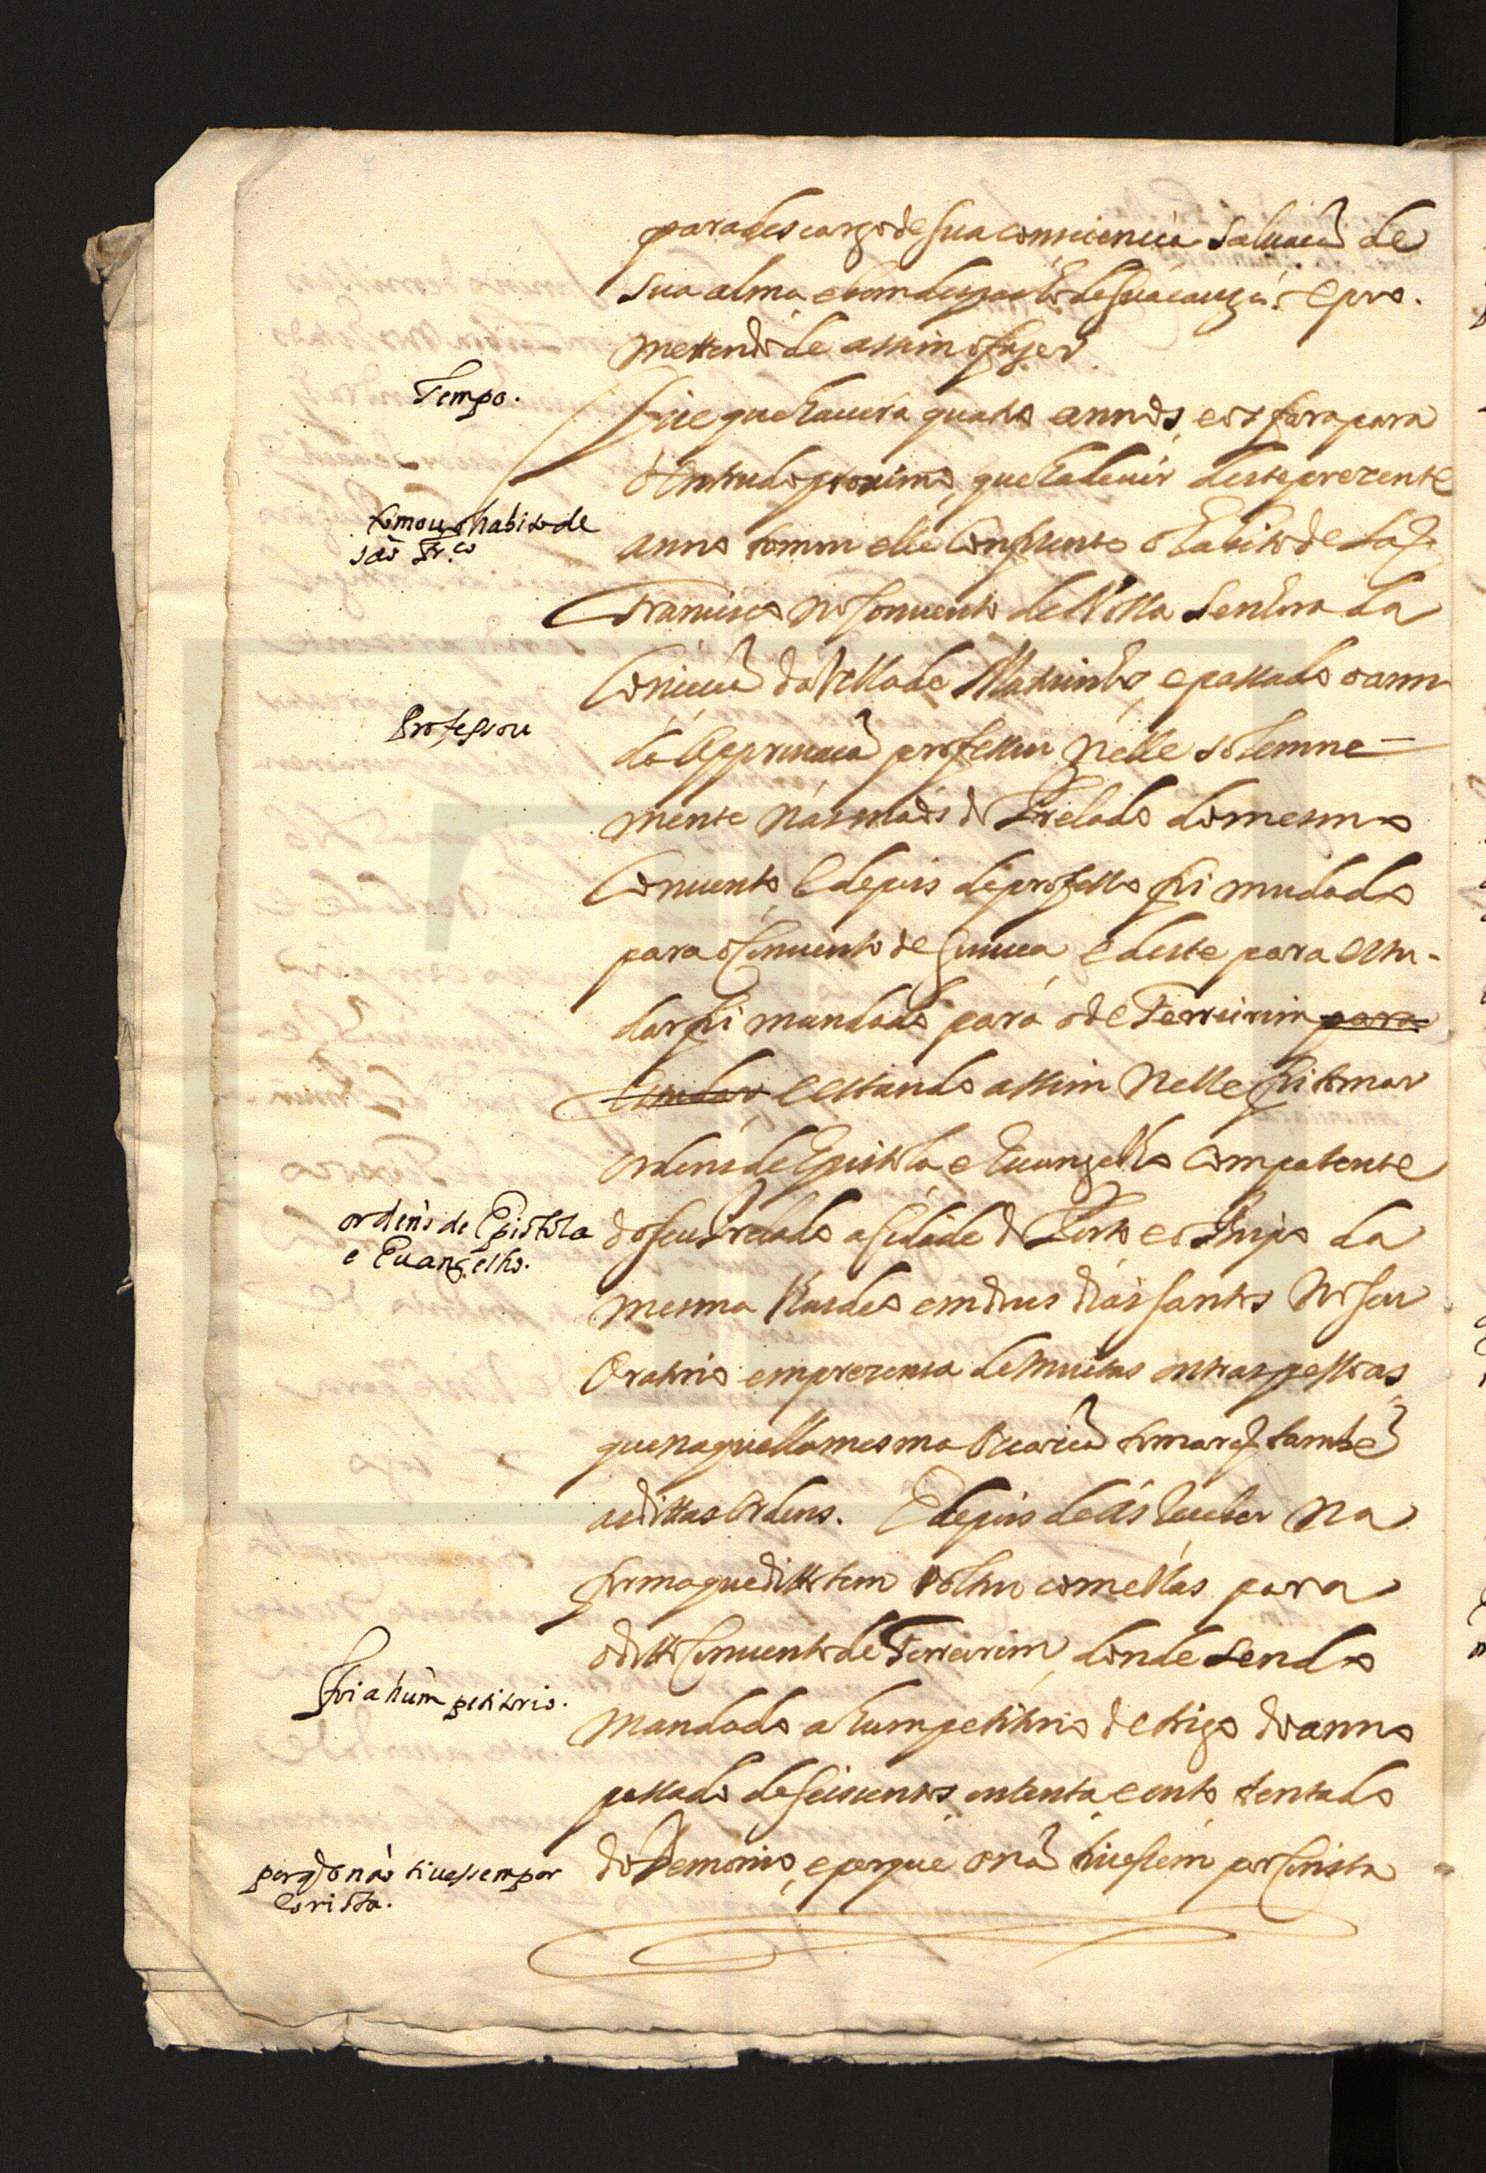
Tempo.
tomou o habito de
são Fr.co
Professou
orden̄s de Epistola
e Euangelho.
Foi a hum̄ petitorio.
porq̄ o naõ tiuessem por
corista.
para descargo de sua consçiençia, saluação de
sua alma, e bom despacho de sua cauza. E pro
mettendo de assim o fazer.
Diçe que hauera quatro annos, e os fara para
o entrudo proximo, que ha de uir deste prezente
anno tomou elle Confitente o habito de Saõ
Françisco na Conuento de Nossa Senhora da
Conçeição da villa do Matrinho, e passado o ann_
da Approuação professou nelle solemne
mente nas maõs do Prelado do mesmo
Conuento E depois de professo foi mudado
para o Conuento de Gouuea, e deste para estu
dar foi mandado para o de Ferreirim _
_, e estando assim nelle foi tomar
ordens de Epistola, e Euangelho com patente
do seu Prelado a Cidade do Porto, e o Bispo da
mesma lhas deo em dous dias Santos no seu
Oratorio em prezensa de muitas outras pessoas
que naquella mesma Occaziaõ tomaraõ tambē
as dittas Ordens. E depois de ás Reçeber na
forma que ditto tem voltou com ellas para
o ditto Conuento de Ferreirim, donde sendo
mandado a hum petitorio de trigo do anno
passado de seiscentos, outenta, e outo, tentado
do Demonio, e porque o naõ tiuessem por Corista
